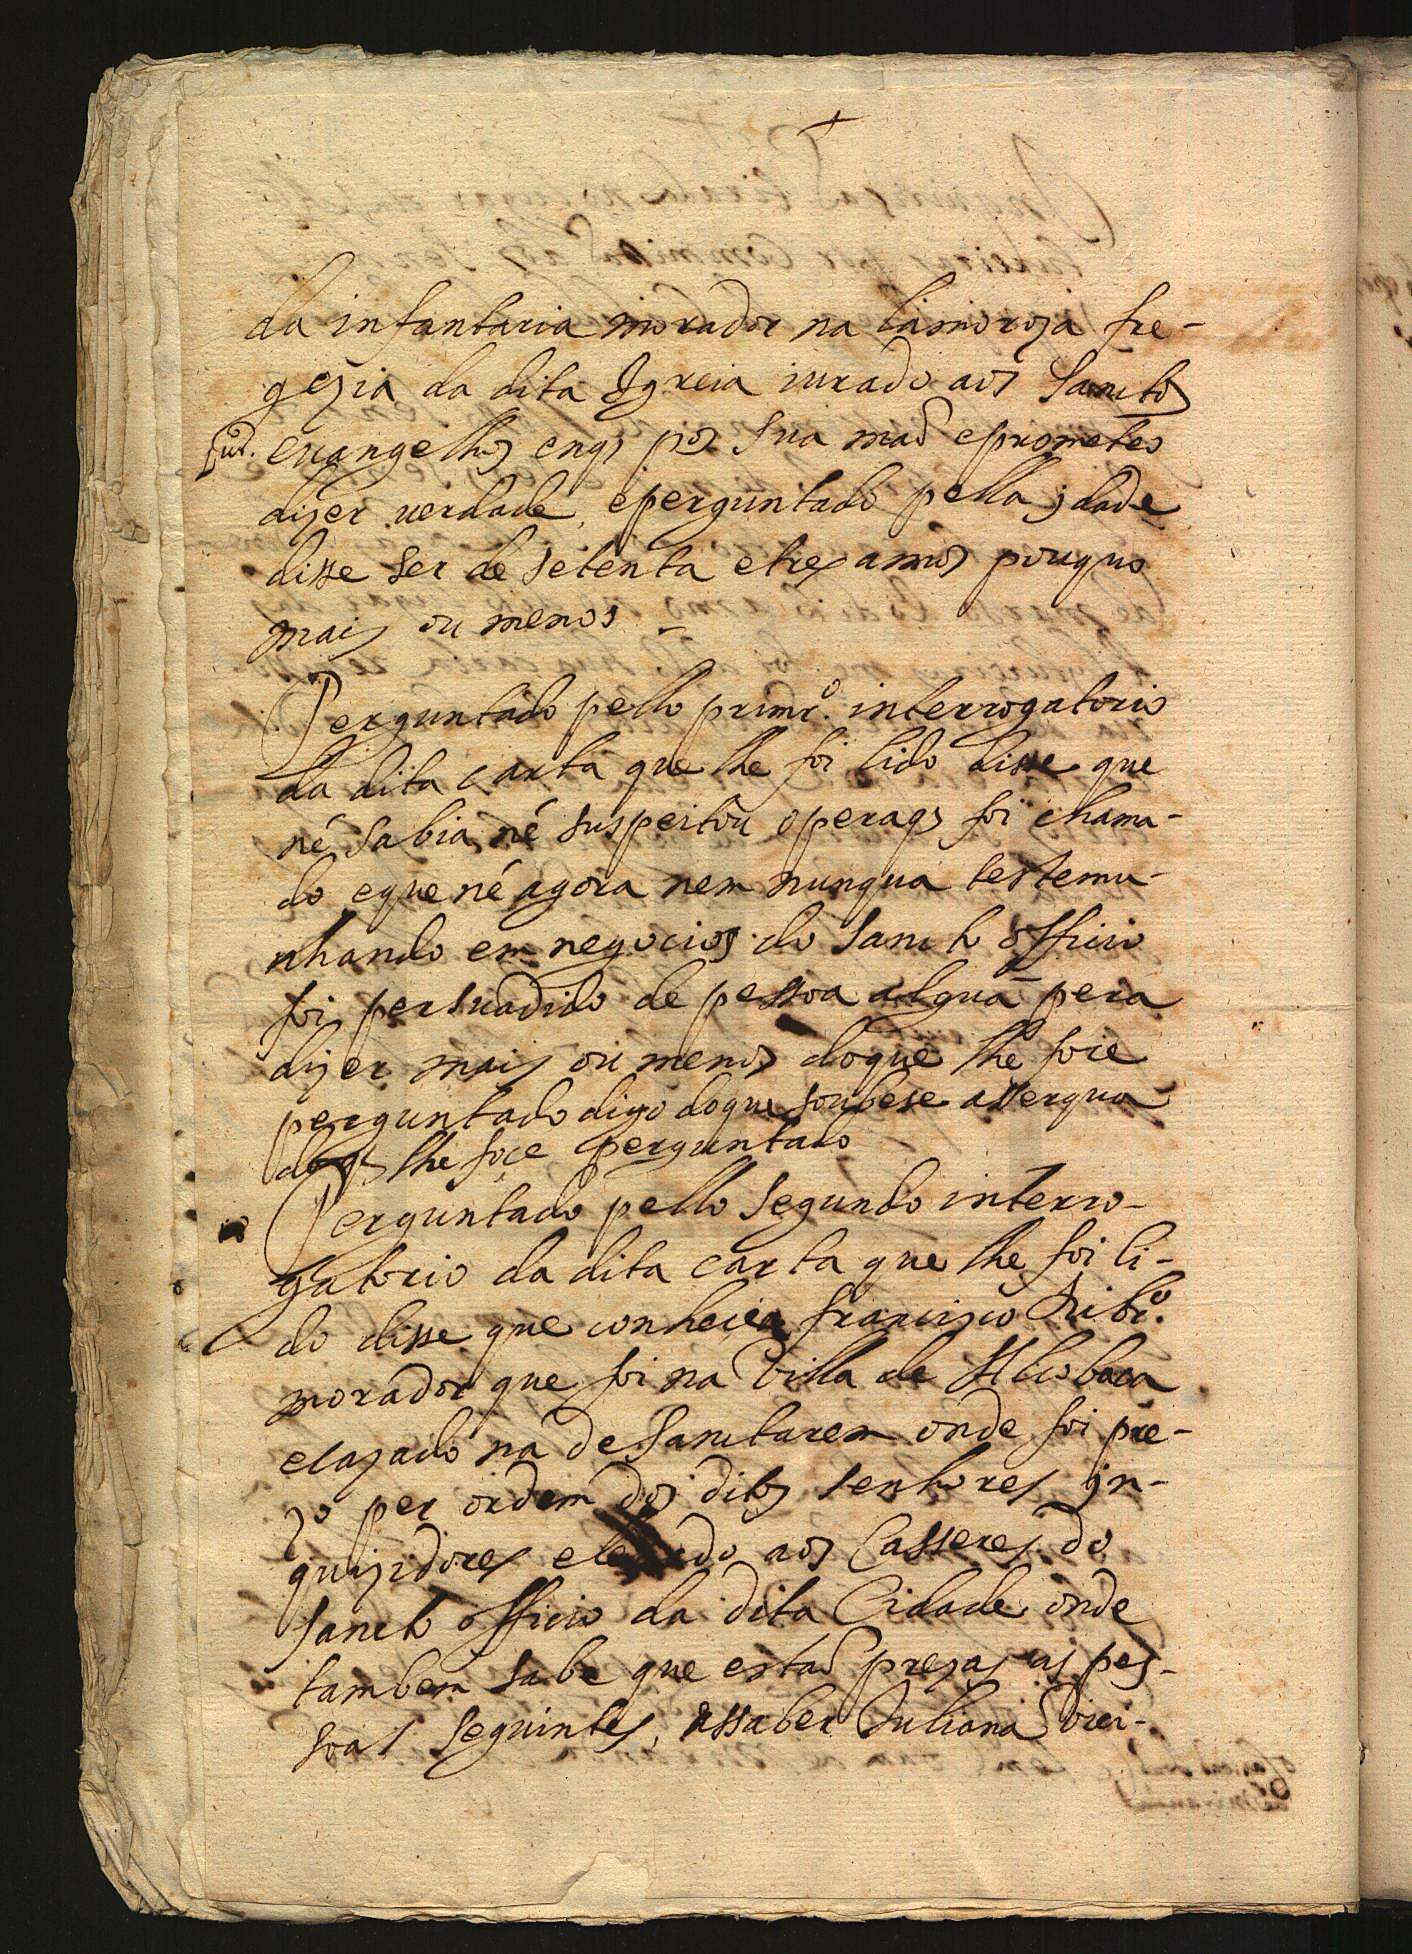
da infantaria morador na lamoroza fre
gezia da dita Igreia iurado aos Sanctos
euangelhos en q̄ pos sua maõ e prometeo
dizer uerdade, e perguntado pella jdade
disse ser de setenta e tres annos pouquo
mais ou menos
Perguntado pello primr.o interrogatorio
da dita carta que lhe foi lido disse que
nē sabia nē suspeitou o pera q̄ foi chama
do e que nē agora nem nunqua testemu
nhando em negocios do Sancto officio
foi persuadido de pessoa alguā pera
dizer mais ou menos do que lhe fose
perguntado digo do que soubese asserqua
do q̄ lhe foçe perguntado
Perguntado pello segundo interro
gatorio da dita carta que lhe foi li
do disse que conheçia francisco Ribr.o
morador que foi na Villa de Alcobaca
e cazado na de samtarem onde foi pre
zo per ordem dos ditos senhores jn
quizidores e le__do aos Casseres do
sancto officio da dita Cidade onde
tambem sabe que estaõ prezas as pes
soas seguintes, a ssaber Iuliana Viei
jur.
